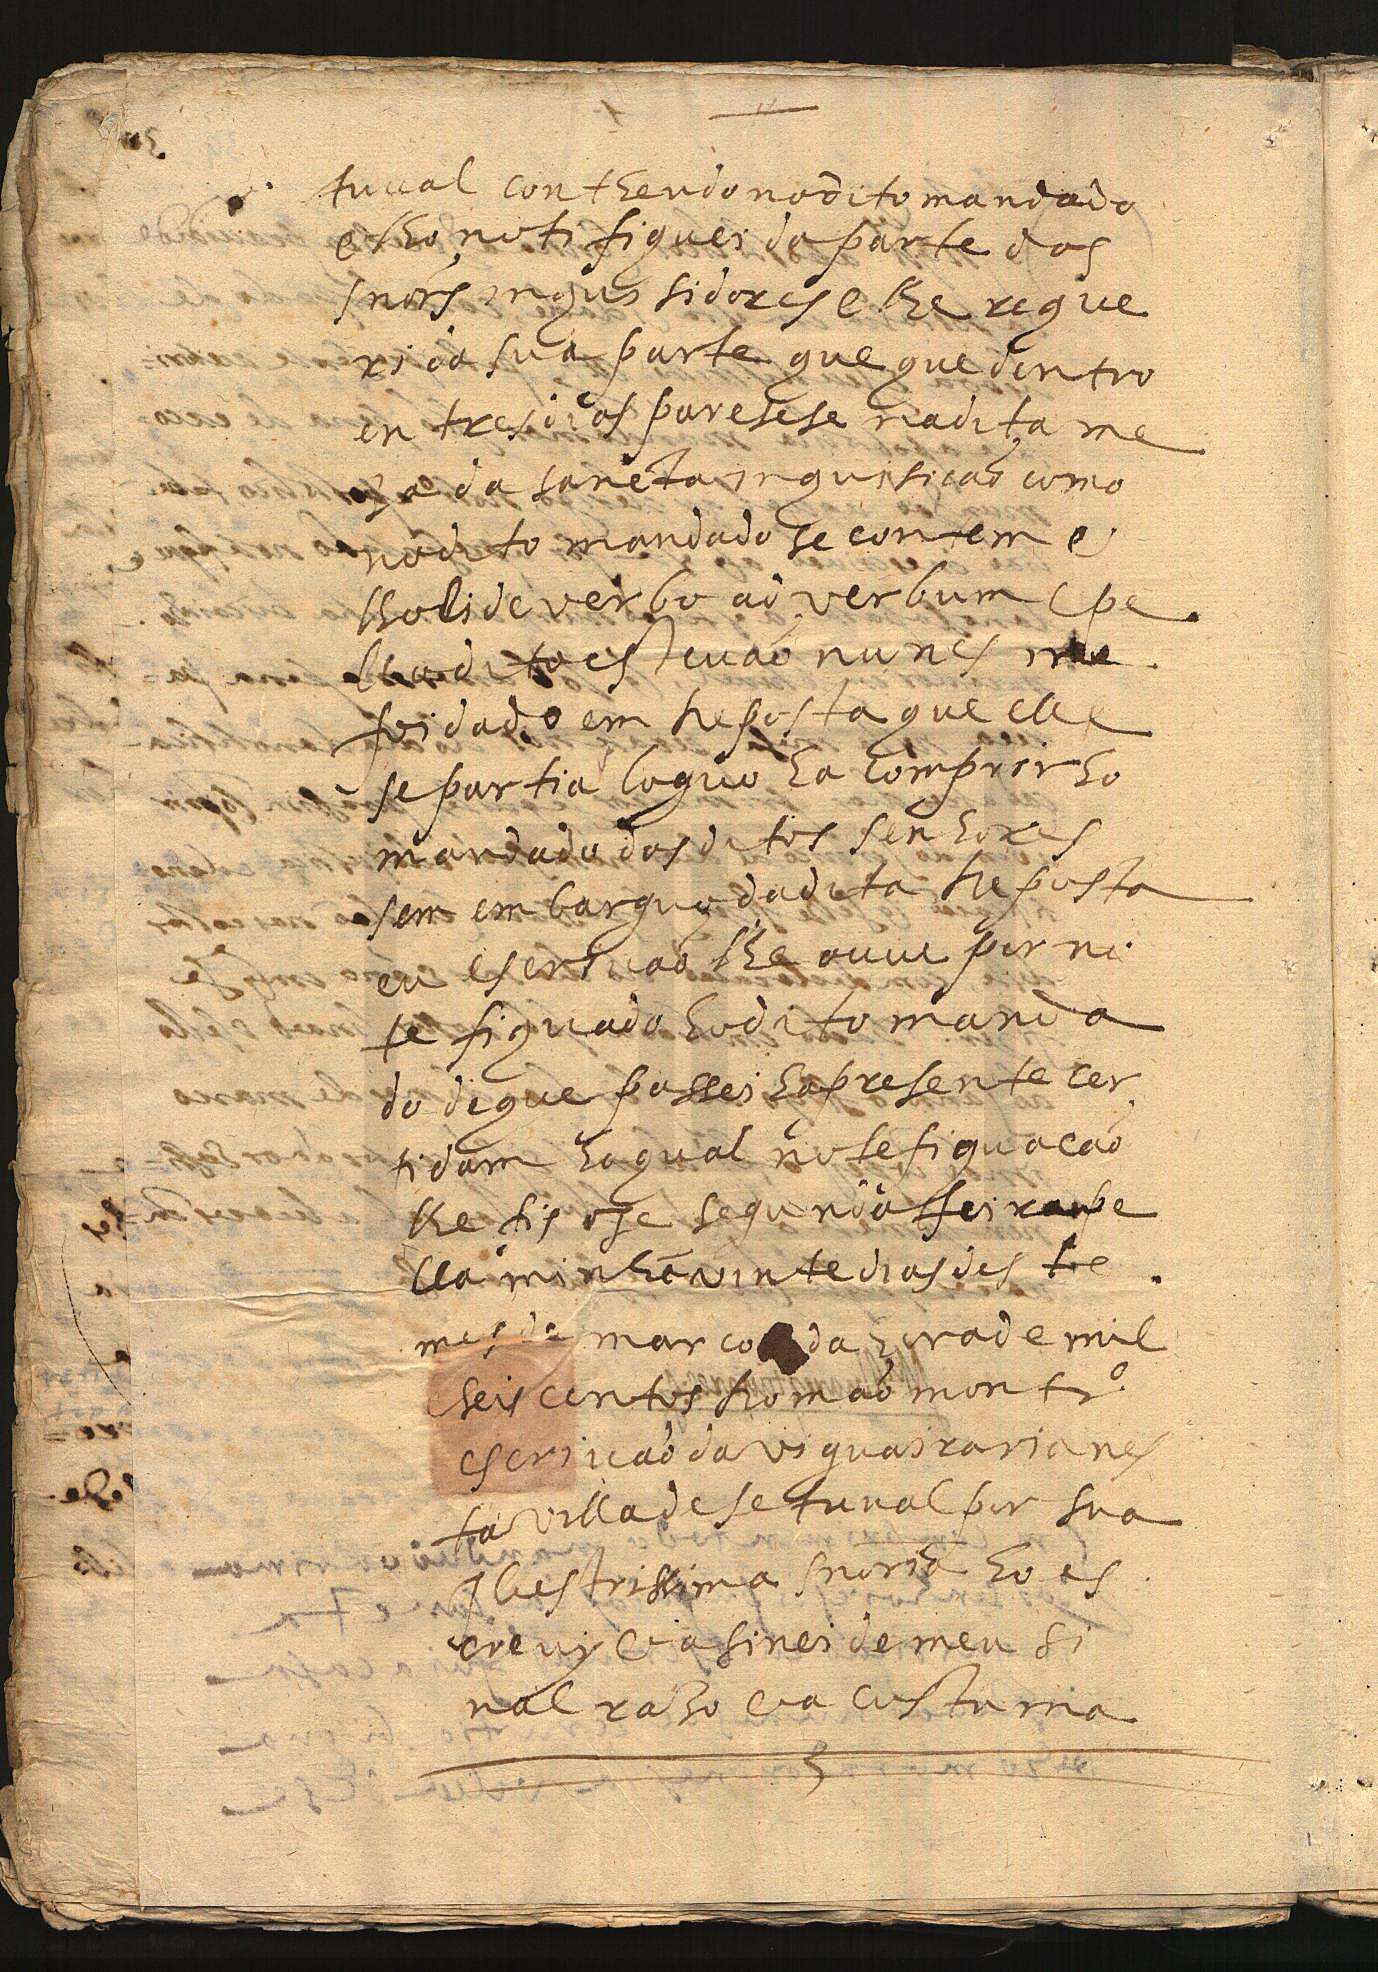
tuual contheudo no dito mandado
e lho notifiquei da parte dos
snor̄s inquisidores e lhe reque
ri da sua parte que que dentro
en tres dias paresese na dita me
za da sancta inquisisaõ como
no dito mandado se contem e
lho li de verbo ad verbum e pe
llo dito esteuaõ nunes me
foi dado em Reposta que elle
se partia loguo ha comprir ho
mandado dos ditos senhores
sem embarguo da dita Reposta
eu escriuaõ lhe ouue por no
tefiquado ho dito manda
do de que passei ha presente cer
tidam ha qual notefiquacaõ
lhe fis oje segunda feira pe
lla menhã vinte dias deste
mes de marco da hera de mil
e seiscentos Romaõ montr.o
escriuaõ da viguairaria nes
ta villa de setuual por sua
Jlustrissima snor̄ia ho es
creuy & asinei de meu si
nal razo & acustuma
